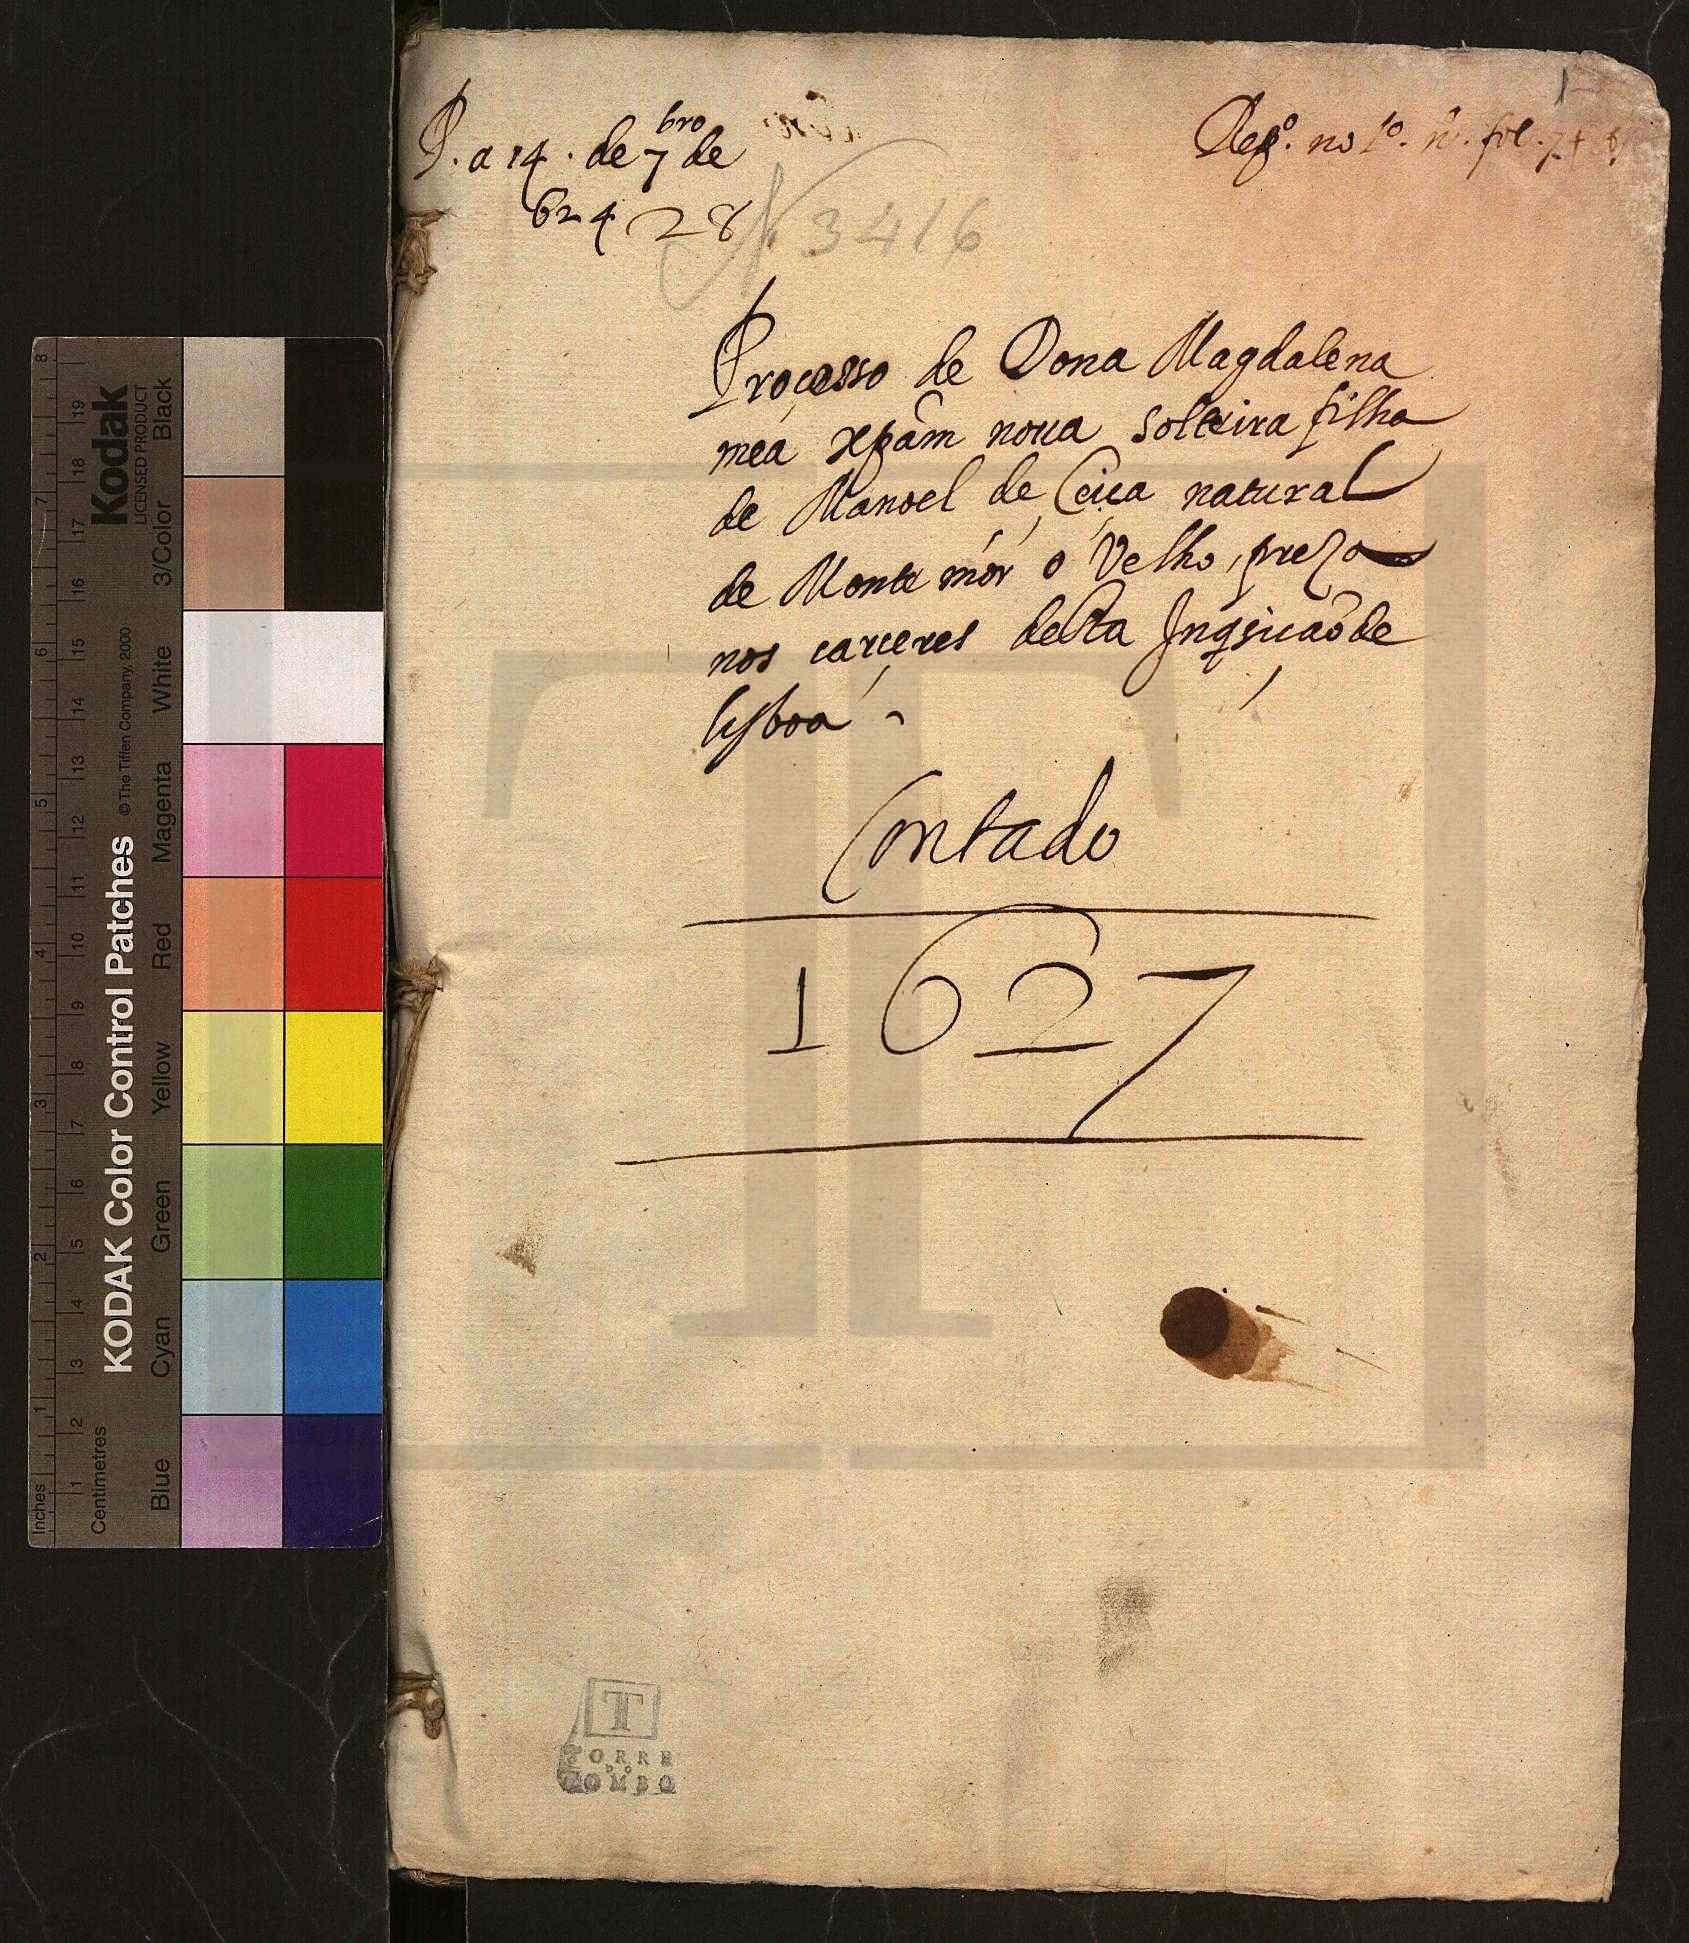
P. a 14. de 7bro de
Reg.o no Lo. no. fol 748
624 28
Proçesso de Dona Magdalena
mea xpām noua solteira filha
de Manoel de Çeiça naturaL
de Montemor o Velho, preza
nos carceres desta Jnꝗsiçaõ de
lisboa
Contado
1627
